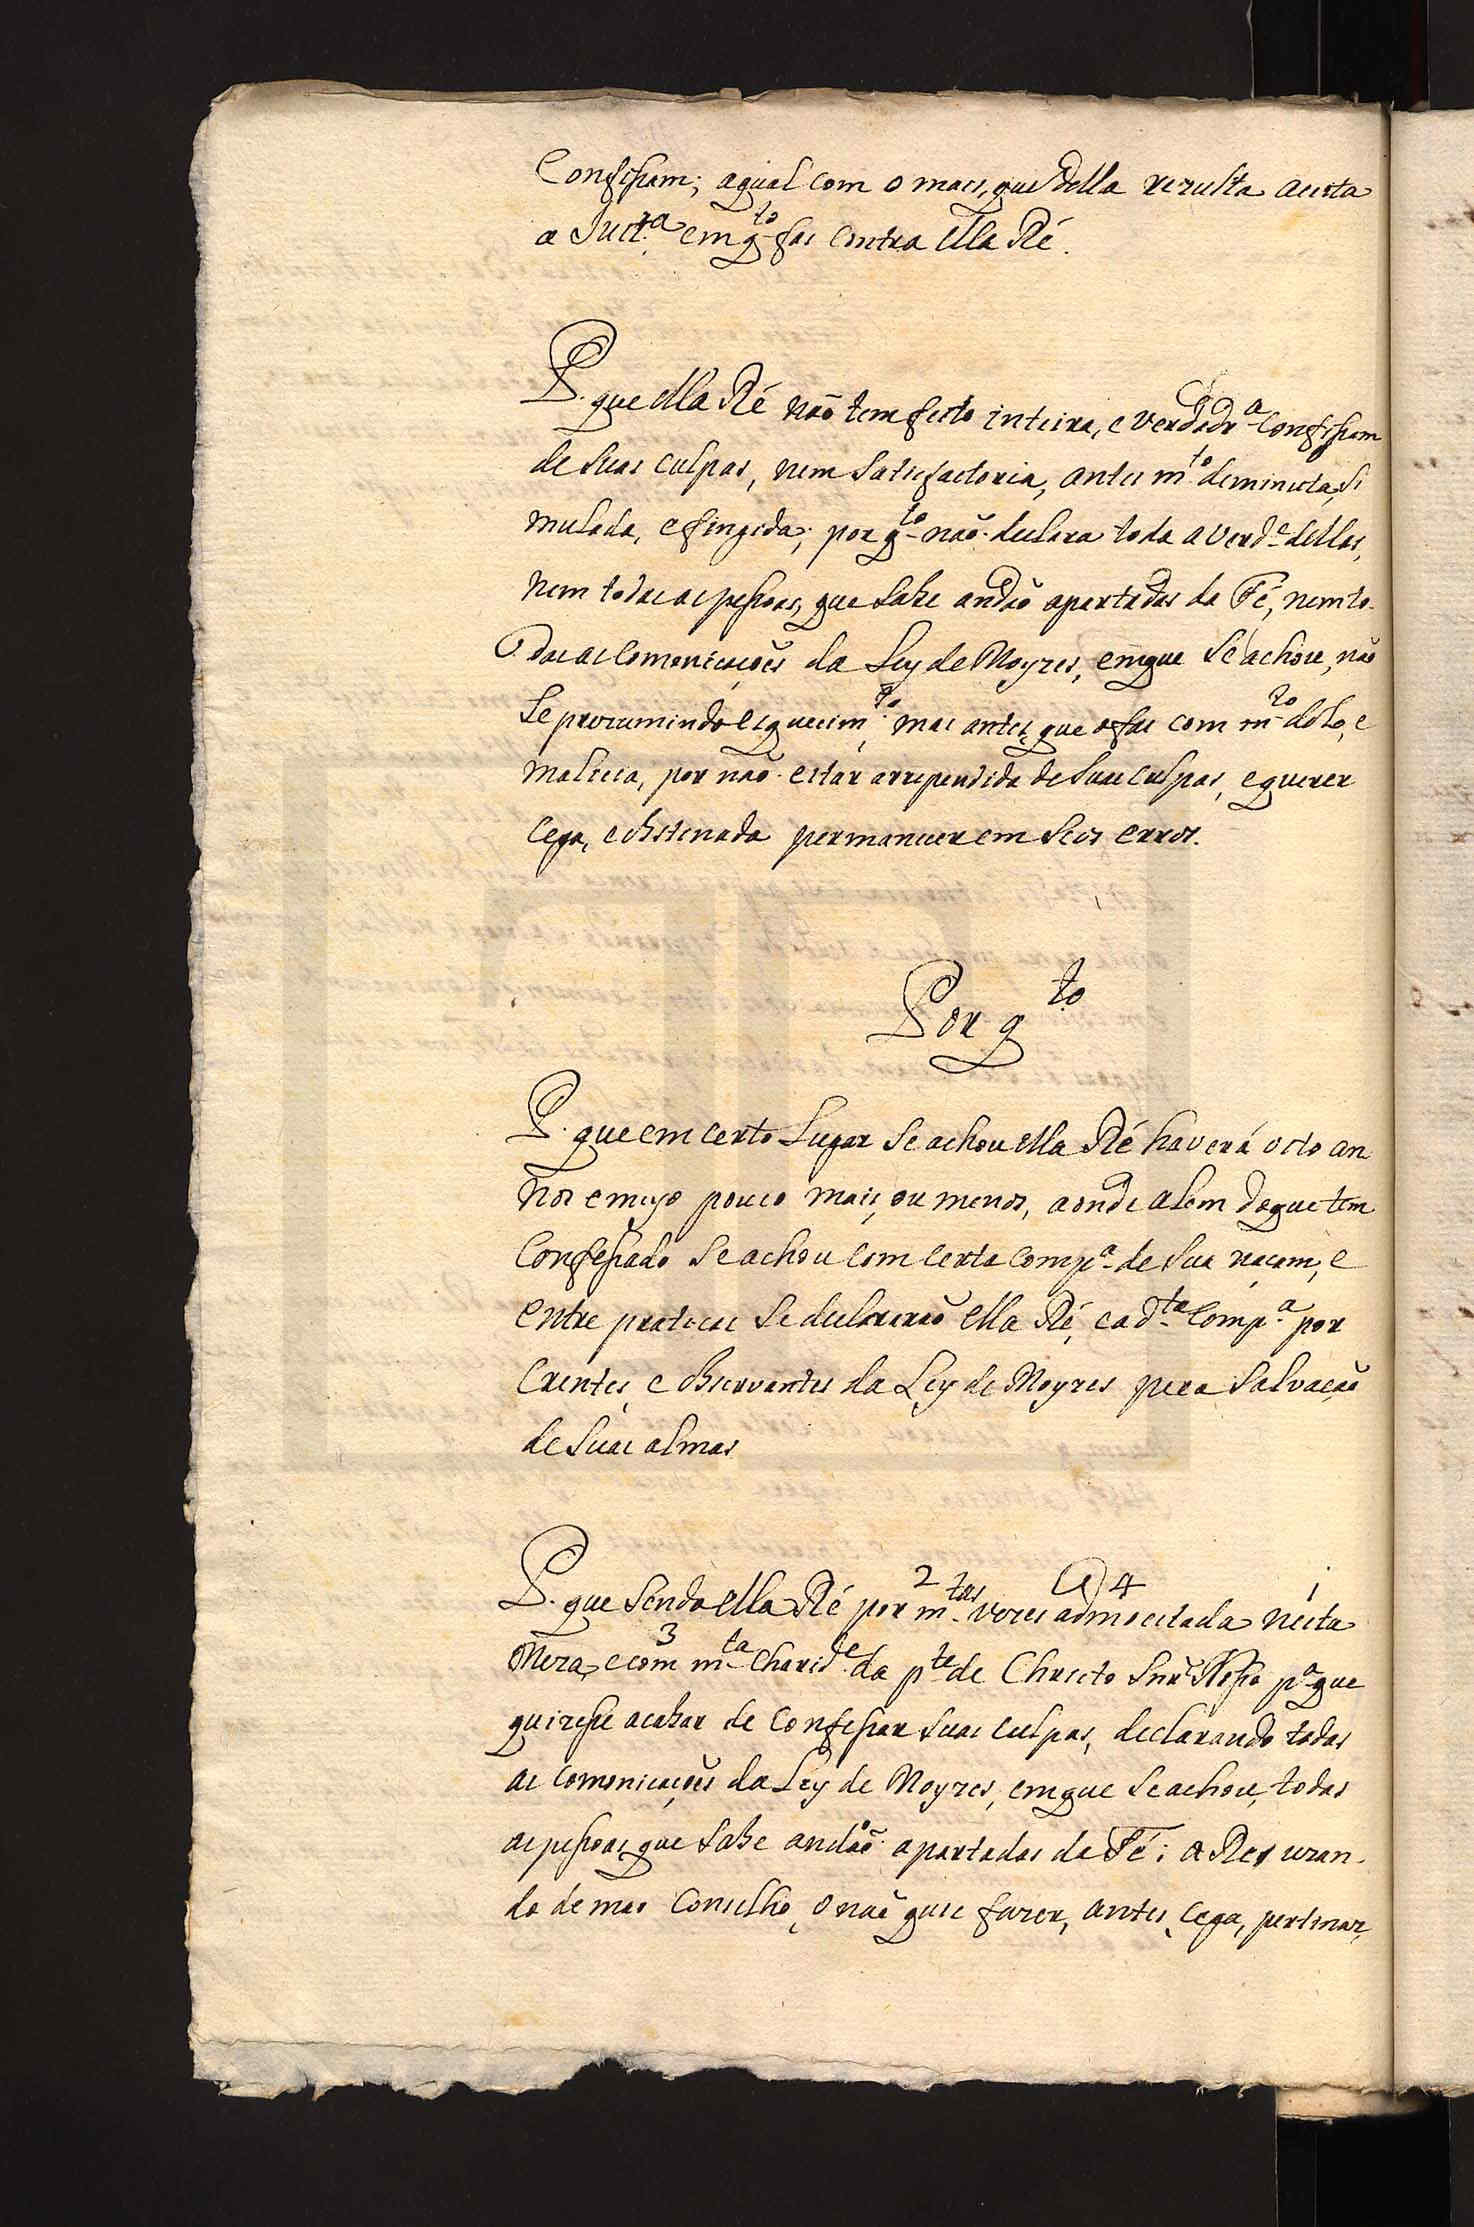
Confissam; a qual com o mais, que della rezulta aceita
a Iust.a emqto fas contra ella Ré
P. que ella Ré naõ tem feito inteira, e verdadr.a confissam
de suas culpas, nem satisfactoria, antes m.to deminuta, si
mulada, e fingida; porq. naõ declara toda a verd.e dellas,
nem todas as pessoas, que sabe andaõ apartadas da Fé, nem to
das as comonicaçoẽs da Ley de Moyzes, em que se achou, naõ
se prezumindo esquecim;to mas antes, que o fas com m.to dolo, e
malicia, por naõ estar arrependida de Suas culpas, e querer
cega, e obstinada permanecer em seos erros.
Porq.to
P. que em certo Lugar se achou ella Ré haverá oito an
nos e meyo pouco mais, ou menos, aonde alem do que tem
Confessado se achou com certa comp.a de sua naçam, e
entre praticas se declararaõ ella Ré, e a d̄.ta comp.a por
Crentes, e observantes da Ley de Moyzes pera salvaçaõ
de Suas almas
P. que Sendo ella Ré
2
por m.tas vezes
4
admoestada nesta
i
P. que Sendo ella Ré por m.tas vezes admoestada nesta
Meza,
3
e com m.ta charid.e da pte de Christo Snr̄ Nosso p.a que
quizesse acabar de confessar suas culpas, declarando todas
as comonicaçoẽs da Ley de Moyzes, em que se achou, todas
as pessoas que sabe andaõ apartadas da Fé: a Re_ uzan
de de mao conselho, o naõ quis fazer, antes, cega, pertinaz,
